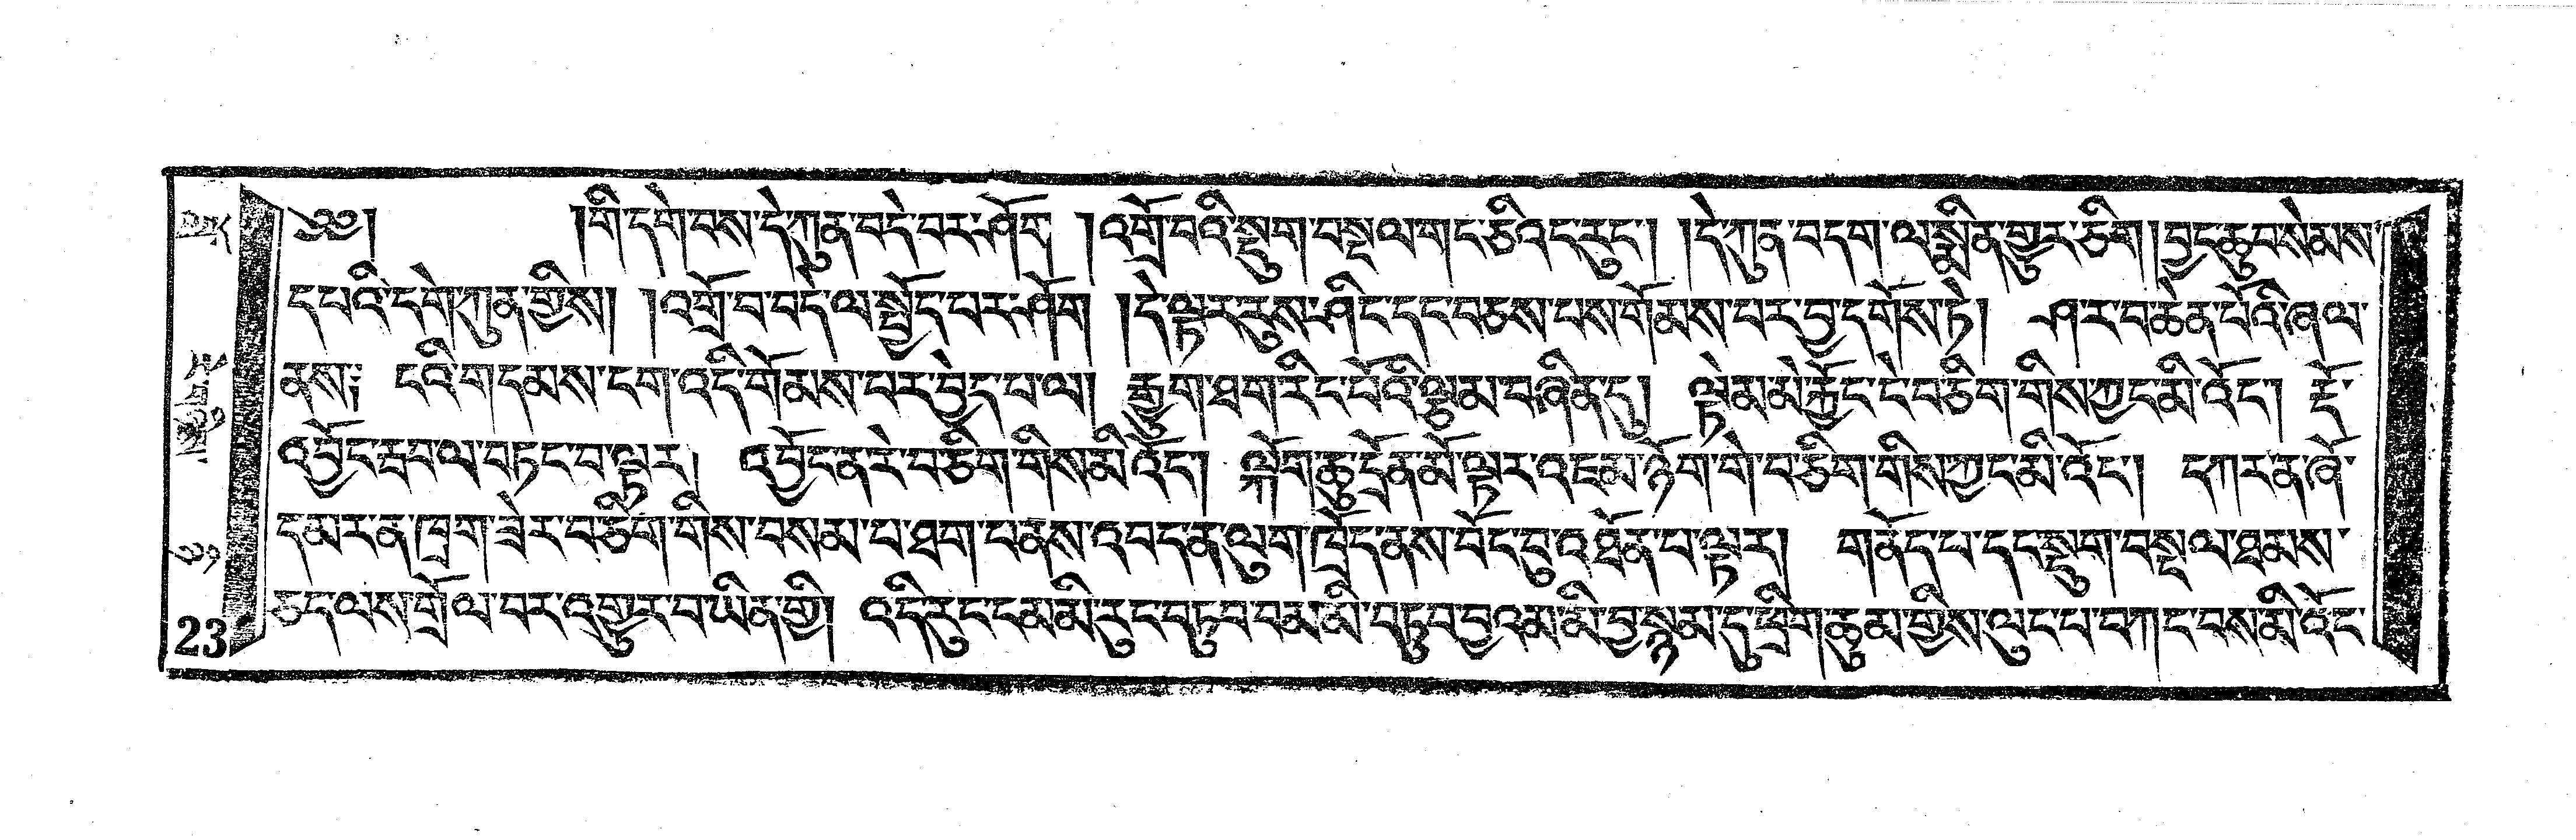༄༅། །གི་དགེ་བས་དེ་ཀུན་བདེ་བར་ཤོག །འགྲོ་བའི་སྡུག་བསྔལ་གང་ཅིའང་རུང་། །དེ་ཀུན་བདག་ལ་སྨིན་གྱུར་ཅིག །བྱང་ཆུབ་སེམས་
དཔའི་དགེ་ཀུན་གྱིས། །འགྲོ་བ་བདེ་ལ་སྤྱོད་པར་ཤོག །དེ་ལྟར་རུས་ཤིང་དང་བཅས་པས་གོམས་པར་བྱ་དགོས་ཏེ། ཤ་ར་བ་ཆེན་པོའི་ཞལ་
ནས༑ ངའི་གདམས་ངག་འདི་གོམས་པར་བྱེད་པ་ལ། རྒྱུག་ཐག་རིང་པོའི་ལྕམ་བཞིན་དུ། ལྟེམ་མེ་རྐྱོང་ངེ་བ་ཅིག་གིས་ཀྱང་མི་འོང་། རྡོ་
འབྱོང་རྦབ་ལ་བཏང་བ་ལྟར། འབྱོང་ན་རེ་བ་ཅིག་གིས་མི་འོང་། ལྐོག་ཆུ་དྲོན་མོ་ལྟར་འཇམ་ཉོག་གེ་བ་ཅིག་གིས་ཀྱང་མི་འོང་། དཀར་ན་ཞོ་
དམར་ན་ཁྲག་ཟེར་བ་ཅིག་གིས་བསམ་པ་ཐག་པ་ནས་འབད་ན་ལུག་ཁྲོད་ནས་བོང་བུ་འཐོན་པ་ལྟར། གནོད་པ་དང་སྡུག་བསྔལ་ཐམས་
ཅད་ལས་གྲོལ་བར་འགྱུར་བ་ཡིན་གྱི། འདི་རུང་ངམ་མི་རུང་བཏུབ་བམ་མི་བཏུབ་བྱའམ་མི་བྱ་སྙམ་དུ་ཕྲིག་ཆུམ་གྱིས་ལུང་པ་བཀང་བས་མི་འོང་